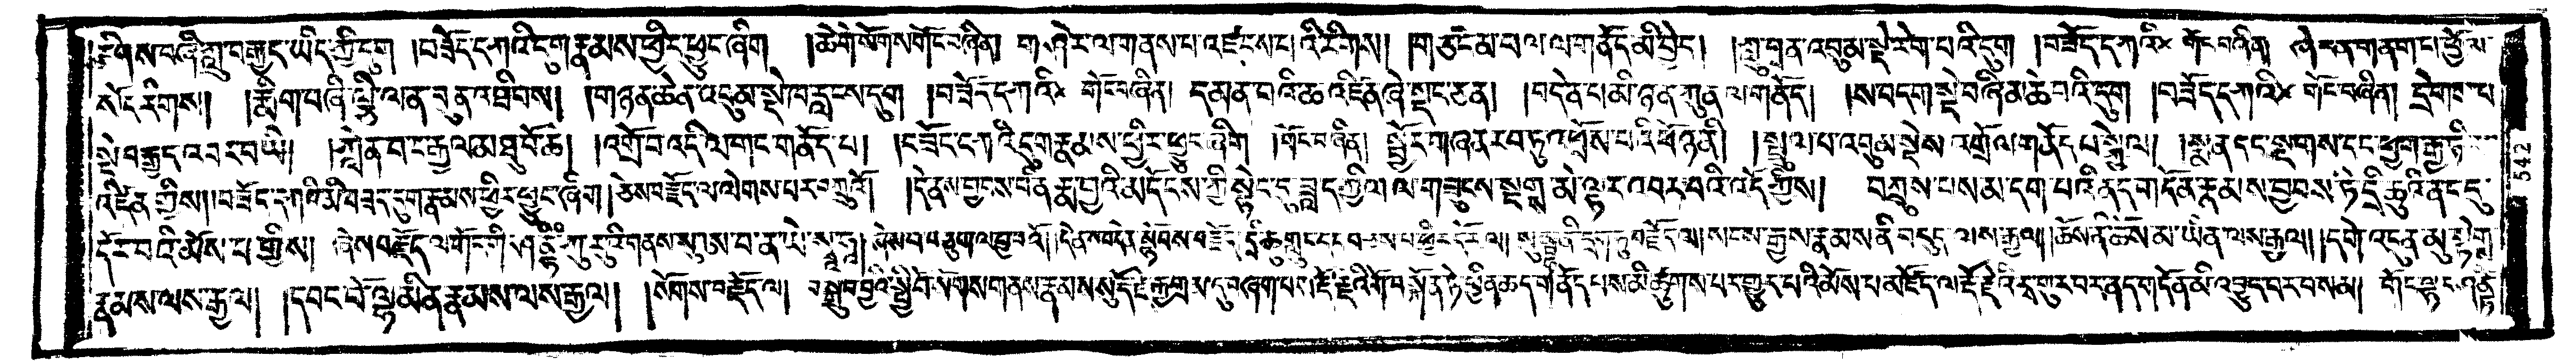རྩིགས་བཞི་ཀླུ་བརྒྱད་ཡིད་ཀྱི་དུག །བཟོད་དཀའི་དུག་རྣམས་ཕྱིར་ཕྱུང་ཞིག །ཆེ་གེ་སོགས་གོང་བཞིན། གཤེར་ལ་གནས་པ་འཛངས་པའི་རིགས། །གཙང་མ་བལ་ལ་གནོད་མི་བྱེད། །ཀླུ་བྲན་འབུམ་སྡེ་རེག་པའི་དུག། །བཟོད་དཀའི་྾་གོང་བཞིག་ཞེས་ན་གནག་པ་ཕྱོལ་
སོད་རིགས། །རྨིག་བཞི་ལྕི་ལན་བུན་འཐིབས། །གཉན་ཆེན་འདུམ་སྡེ་ཁ་རླངས་དུག །བཟོད་དཀའི་྾་གོང་བཞིན། དམན་པའི་ཆ་འཛིན་ཞེ་སྡང་ཅན། །བདེན་པ་མི་ཉན་ཀུན་ལ་གནོད། །ས་བདག་སྡེ་བཞི་མཆེ་བའི་དགུ །བཟོད་དཀའི་྾་གོང་བཞིན། དྲེགས་པ་
སྡེ་བརྒྱད་འབར་བ་ཡི། །ཀླེན་པ་ང་རྒྱལ་མཐུ་བོ་ཆེ། །འགྲོ་བ་འདི་ལ་གང་གནོད་པ། །ང་ཟོང་དཀའི་དུག་རྣམས་ཕྱིར་ཕྱུང་ཞིག །ཐོང་བ་ཞིན། སྦྱོར་གཞན་རབ་ཏུ་འཕྲོས་པའི་ཕོ་ཉ་ནི། སྤྲུལ་བ་འབུམ་སྡེས་འགྲོལ་གནོད་པ་སྐུལ། །སྨན་དང་སྔགས་དང་ཕྱུག་རྒྱ་ཏི??
འཛིན་གྱིས། །བཟོད་དཀའི་མི་བཟད་དུག་རྣམས་ཕྱིར་ཕྱུང་ཞིག། ཅེས་བརྗོད་ལ་ལེགས་པར་བཀྲུའོ་།དེ་ནས་བྱངས་བན་རྨ་བྱའི་མདོངས་ཀྱི་སྟེང་དུ་ཟླད་ཀྱིལ་ལ་གཟུངས་སྔགས་མེ་ལྷར་འབར་བའི་འོད་ཀྱིས། བཀྲུས་པས་མ་དག་པའི་ནད་གདོན་རྣམས་བྱབས་ཏེ་དྲི་ཆུའི་ནང་དུ་
དོར་བའི་མོས་པ་གྱིས། ཞེས་བརྗོད་ལ་གོང་གི་ཤནྟཾ་ཀུ་རུའི་གནས་སུ་ཨ་བ་ན་ཡེ་སྭཱ་ཧཱ། ཞེས་པ་བརྡུག་ལ་བྱ་བའོ། །དེ་ནས་བདེར་སྟོབས་བརྗོད་དྲི་ཆུ་གླུང་དང་བཅས་ཕྱིར་དོར་ལ། སུང་བ་ནི་དྲག་ཏུ་བརྗོད་ལ། སངས་རྒྱས་རྣམས་ནི་བདུད་ལས་རྒྱལ། ཆོས་ནི་ཆོས་མ་ཡིན་ལས་རྒྱལ། དགེ་འདུན་མུ་སྟེགས་
རྣམས་ལས་རྒྱལ། །དབང་པོ་ལྷ་མིན་རྣམས་ལས་རྒྱལ། །སོགས་བརྗོད་ལ། བསྒྲུབ་བྱའི་སྤྱི་བོ་སོགས་གནས་རྣམས་སུ་རྡོ་རྗེ་རྒྱ་གྲམ་དུ་བཞག་པར་རྡོ་རྗེའི་གོ་བསྐོན་ཏེ་ཕྱིན་ཆད་གོ་ནོད་པས་མི་ཚུགས་པར་གྱུར་བའི་མོས་པ་མཛོད་ལ་རྡོ་རྗེའི་རྭ་གུར་བར་ནད་གདོན་མི་འབྱུང་བར་བསམ། གོང་རྟར་ཤནྟ་